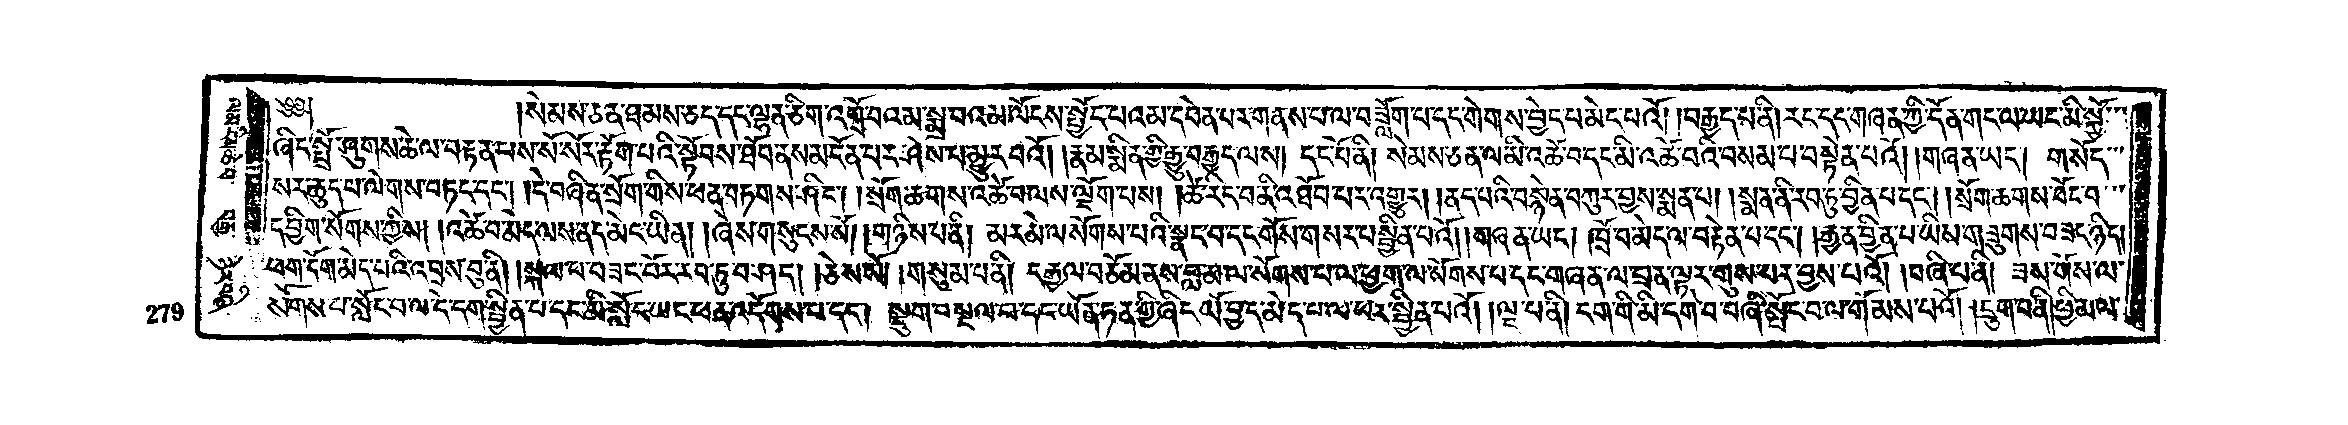༄༅། །སེམས་ཅན་ཐམས་ཅད་དང་ལྷན་ཅིག་འགྲོ་བའམ་སྨྲ་བའམ་ལོངས་སྤྱོད་པའམ་དབེན་པར་གནས་པ་ལ་བཟློག་པ་དང་གེགས་བྱེད་པ་མེད་པའོ། །བརྒྱད་པ་ནི། རང་དང་གཞན་གྱི་དོན་གང་ལ་ཡང་མི་སྐྱོ་
ཞིང་སྤྲོ་ཤུགས་ཆེ་ལ་བརྟན་པས་སོ་སོར་རྟོག་པའི་སྟོབས་ཐོབ་ནས་མངོན་པར་ཤེས་པ་མྱུར་བའོ། །རྣམ་སྨིན་གྱི་རྒྱུ་བརྒྱད་ལས། དང་པོ་ནི། སེམས་ཅན་ལ་མི་འཚེ་བ་དང་མི་འཚེ་བའི་བསམ་པ་བསྟེན་པའོ། །གཞན་ཡང་། གསོད་
སར་ཆུད་པ་ལེགས་བཏང་དང་། །དེ་བཞིན་སྲོག་གིས་ཕན་བཏགས་ཤིང་། །སྲོག་ཆགས་འཚེ་བ་ལས་ལྡོག་པས། །ཚེ་རིང་བ་ནི་འཐོབ་པར་འགྱུར། །ནད་པའི་བསྙེན་བཀུར་བྱས་སྨན་པ། །སྨན་ནི་རབ་ཏུ་བྱིན་པ་དང་། །སྲོག་ཆགས་བོང་བ་
དབྱིག་སོགས་ཀྱིས། །འཚེ་བ་མེད་ལས་ནད་མེད་ཡིན། །ཞེས་གསུངས་སོ། །གཉིས་པ་ནི། མར་མེ་ལ་སོགས་པའི་སྣང་བ་དང་གོས་གསར་པ་སྦྱིན་པའོ། །གཞན་ཡང་། ཁྲོ་བ་མེད་ལ་བརྟེན་པ་དང་། །རྒྱན་བྱིན་པ་ཡིས་གཟུགས་བཟང་ཉིད།
ཕྲག་དོག་མེད་པའི་འབྲས་བུ་ནི། །སྐལ་བ་བཟང་པོར་རབ་ཏུ་བཤད། །ཅེས་སོ། །གསུམ་པ་ནི། ང་རྒྱལ་བཅོམ་ནས་བླ་མ་ལ་སོགས་པ་ལ་ཕྱག་ལ་སོགས་པ་དང་གཞན་ལ་བྲན་ལྟར་གུས་པར་བྱས་པའོ། །བཞི་པ་ནི། ཟས་གོས་ལ་
སོགས་པ་སློང་བ་ལ་དེ་དག་སྦྱིན་པ་དང་མི་སློང་ཡང་ཕན་འདོགས་པ་དང་། སྡུག་བསྔལ་བ་དང་ཡོན་ཏན་གྱི་ཞིང་ཡོ་བྱད་མེད་པ་ལ་ཕར་སྦྱིན་པའོ། །ལྔ་པ་ནི། ངག་གི་མི་དགེ་བ་བཞི་སྤོང་བ་ལ་གོམས་པའོ། །དྲུག་པ་ནི། ཕྱི་མ་ལ་